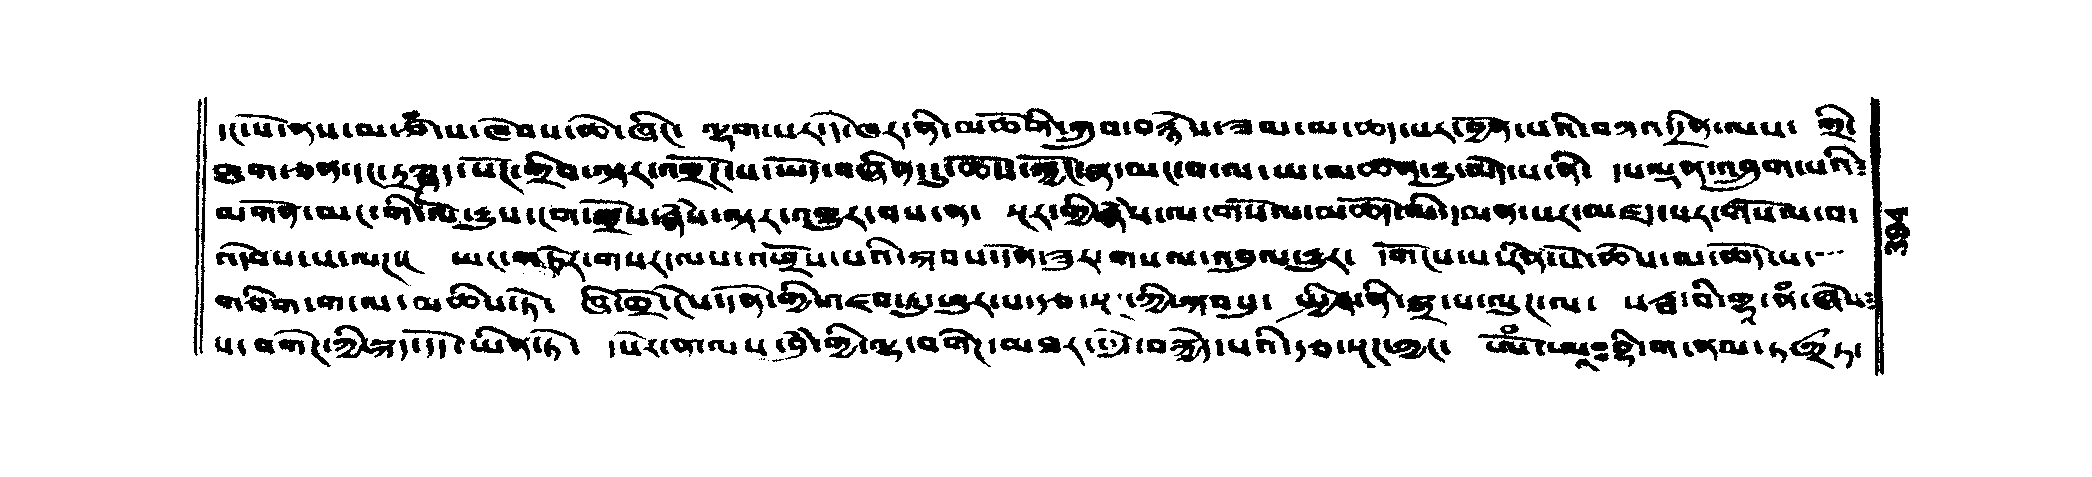དང་པོ་ནས་རྩམ་པ་ཁེ་ཆེ་ཞིང་། ལྷག་པར་དེ་ཁར་ནི་མཆོག་གི་གྲུབ་བརྙེས་ཟམ་མཆད་པར་བྱོན་པའི་བཀའ་དྲིན་ལས། གྲི་
གུག་ཅན་དང་ཏྲཀྴད་སོགས་གྲིབ་ལྟར་འགྲོགས་པ་ཡོད་བཞིན་དུ་ཆོས་སྐྱོང་སྣ་མང་བ་ལ་ཡ་མཚན་རྒྱུ་མེད་པ་ནི། དཔལ་ལྡན་འབྲུག་པའི་
མགོན་མ་ནིང་གི་ལོ་རྒྱུས་ངག་སྒྲོས་རྣམས་ལྟར་འགྱུར་བས་ན། སྔར་གྱི་རྣམས་ལ་གསོལ་མཆོད་མི་དམན་པར་མཛད་པར་གསོལ་བ་
འདེབས་པ་ལགས། ཡང་གཏེར་གསར་ལས་འཕྲོས་པའི་སྐབས་དོན་ཟུར་གསལ་འབུལ་རྒྱུར། དགོངས་པ་རིན་པོ་ཆེས་མ་ཆོད་པ་
གཅིག་ག་ལ་མཆིས་ཏེ། ཞི་ཁྲོ་ངེས་དོན་གྱི་འཛབ་ཏུ་ཕུར་པ་རྩ་སྔགས་ཀྱི་སྐབས་སུ། སྤྱིར་ནི་སྒྲ་པ་ལུགས་ལ། སརྦ་བི་གྷཱ་ནཾ་ཞེས་
པ་བགེགས་ཀྱི་དོད་ཡིན་ཏེ། དཔེར་ན་ལས་བུམ་གྱི་ལྷ་བགེགས་མཐར་བྱེད་བསྐྱེད་པའི་རྩ་སྔགས་ཀྱང་། ཨོྂ་ཨཱཿ་བྷི་ག་ནམ་ཏ་ཀྲྀཏ་